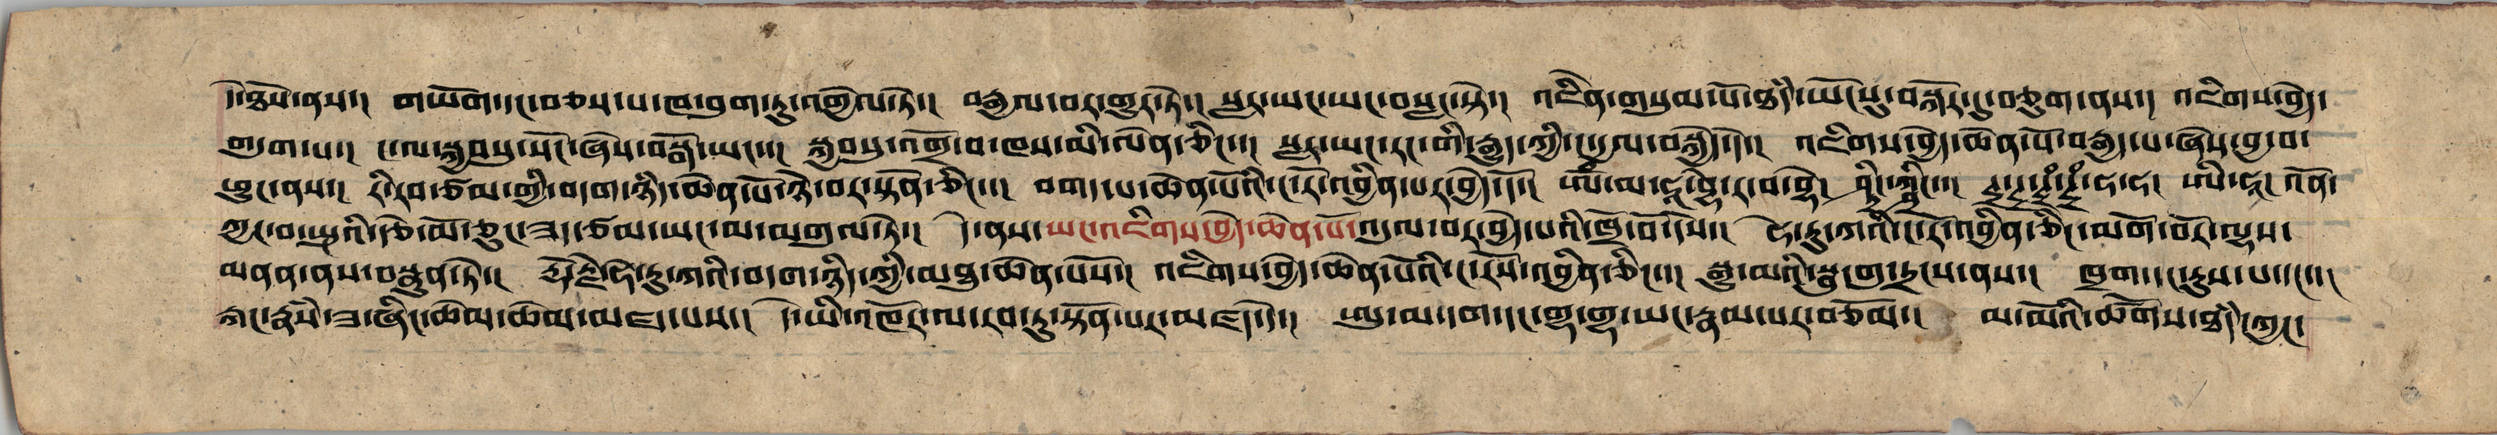དེ་ཐོས་ནས་། གཡོག་དང་བཅས་པ་ཁ་བུག་ཏུ་འགྱེལ་ཏེ་། བརྒྱལ་བར་གྱུར་ཏེ་། སླར་ཡང་ཡང་བསླང་སྟེ་། འཇིནེ་གསུམ་པོ་ཐཾད་ཡོངསུ་བསྐོར་དུ་བཅུག་ནས་། འཇིགས་བྱེད་
གདུག་པ་། ང་ལ་སྐྱབསུ་སོང་ཞེས་བསྒོ་ཡང་་། སྐྱབསུ་འགྲོ་བ་ཁས་མི་ལེན་ཅིང་། སླར་ཡང་རང་གི་རྒྱུད་ཀྱི་ང་དྱལ་བསྐྱེད་དེ་། འཇིགས་བྱེད་ཆེན་པོ་བརྒྱད་པ་ཞེས་བྱ་བ་
ཕྱུང་ནས་། རི་རབ་ཙམ་གྱི་བདག་ཉིད་ཆེན་པོ་ཉེ་བར་སྟོན་ཅིང་་། བགད་པ་ཆེན་པོའི་ང་རོ་འབྱིན་པར་བྱེད་དོ་། ཨོཾ་མ་ཧཱ་བྷེ་ར་བ་བྷེ། ཤྚྲིངཀྴིང་་། ཊྲ་ཊྲ་ཊྲཾཊྲཾ་ཧ་ཧ་ ཨི་ཧཱ། འོན་
ཀྱང་བ་སྤུའི་རྩེ་མོ་ཅུང་ཟད་ཙམ་ཡང་མ་མགུལ་ཏེ་། དེ་ནས་ཡང་འཇིགས་བྱེད་ཆེན་པོ་འདུལ་བར་བྱེད་པའི་ཁྲོ་བོ་དསེ་། ཧེ་རུ་ཀའི་ང་རོ་འབྱིན་ཅིང་མགོ་བོར་ལྷས་
མནན་ནས་བསྣུན་ཏེ་། རྡོ་རྗེ་ཧེ་རུ་ཀའི་བདག་ཉིད་ཀྱི་མཐུ་ཆེན་པོས་། འཇིགས་བྱེད་ཆེན་པོའི་ང་རོས་འབྱིན་ཅིང་་། སྒྱུ་མའི་སྦུ་གུ་དྲངས་ནས་། ཁྲག་དང་རུས་པ་དང་་།
རྐང་རྣཾས་ཟ་ཞིང་ཆེམ་ཆེམ་མཛད་པས་། དེ་ཡི་འཁོར་ལ་རབ་ཏུ་སྟོན་པར་མཛད་དེ་། ཨུ་མ་དག་དང་གྷ་གྷ་ཡང་རྣམ་པར་བཅོམ་། མ་མོའི་ཚོགས་ཐདཾ་ཀྱང་